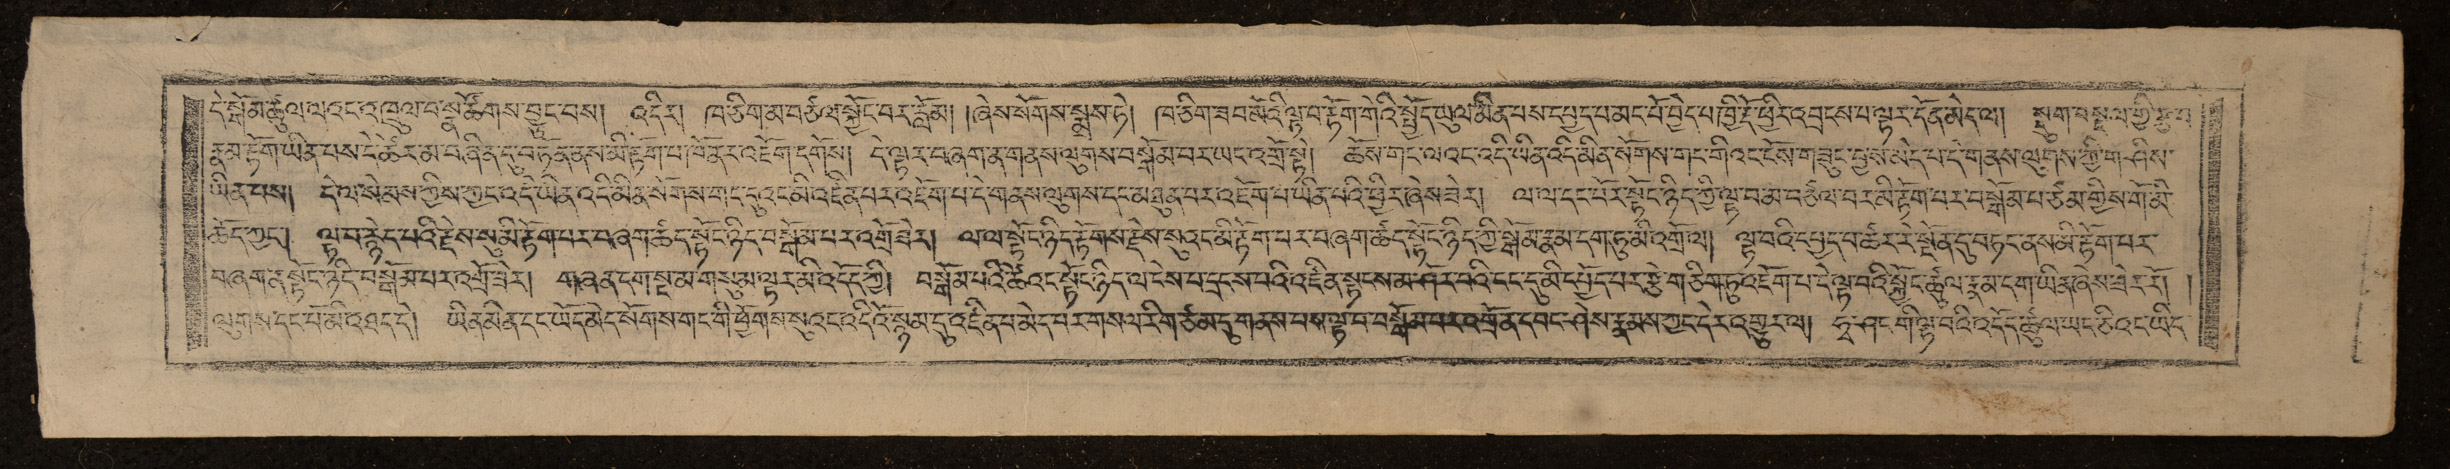དེ་སྒོམ་ཚུལ་ལའང་འཁྲུལ་བ་སྣ་ཚོགས་བྱུང་བས། འདིར། ཁ་ཅིག་མ་བཙལ་སྐྱོང་བར་རློམ། །ཞེས་སོགས་སྨྲས་ཏེ། ཁ་ཅིག་ཟབ་མོའི་ལྟ་བ་རྟོག་གེའི་སྤྱོད་ཡུལ་མིན་པས་དཔྱད་པ་མང་པོ་བྱེད་པ་ཁྱི་རྡོ་ཕྱིར་འབྲངས་པ་ལྟར་དོན་མེད་ལ། སྡུག་བསྔལ་གྱི་རྩམ་
རྣམ་རྟོག་ཡིན་པས་དེ་ཚེར་མ་བཞིན་དུ་བཏོན་ནས་མི་རྟོག་པ་ཁོ་ནར་འཇོག་དགོས། དེ་ལྟར་བཞག་ན་གནས་ལུགས་བསྒོམ་པར་ཡང་འགྲོ་སྟེ། ཆོས་གང་ལའང་འདི་ཡིན་འདི་མིན་སོགས་གང་གིའང་ངོས་གཟུང་བྱས་མེད་བ་དེ་གནས་ལུགས་ཀྱི་གཤིས་
ཡིན་པས། དེ་ལ་སེམས་ཀྱིས་ཀྱང་འདི་ཡིན་འདི་མིན་སོགས་གང་དུའང་མི་འཛིན་པར་འཇོག་པ་དེ་གནས་ལུགས་དང་མཐུན་པར་འཇོག་པ་ཡིན་པའི་ཕྱིར་ཞེས་ཟེར། ལ་ལ་དང་པོར་སྟོང་ཉིད་ཀྱི་ལྟ་བ་མ་བཙལ་བར་མི་རྟོག་པར་བསྒོམ་པ་ཙམ་གྱིས་གོ་མི་
ཆོད་ཀྱང་། ལྟ་བ་རྙེད་པའི་རྗེས་སུ་མི་རྟོག་པར་བཞག་ཚད་སྟོང་ཉིད་བསྒོམ་པར་འགྲོ་ཟེར། ལ་ལ་སྟོང་ཉིད་རྟོགས་རྗེས་སུའང་མི་རྟོག་པར་བཞག་ཚད་སྟོང་ཉིད་ཀྱི་སྒོམ་རྣམ་དག་ཏུ་མི་འགྲོ་ལ། ལྟ་བའི་དཔྱད་པ་ཚར་རེ་སྔོན་དུ་བཏང་ནས་མི་རྟོག་པར་
བཞག་ན་སྟོང་ཉིད་བསྒོམ་པར་འགྲོ་ཟེར། གཞན་དག་སྔ་མ་གསུམ་ལྟར་མི་འདོད་ཀྱི། བསྒོམ་པའི་ཚེའང་སྟོང་ཉིད་ལ་ངེས་པ་དྲངས་བའི་འཛིན་སྟངས་མ་ཤོར་བའི་ངང་དུ་མི་དཔྱོད་པར་རྩེ་གཅིག་ཏུ་འཇོག་པ་དེ་ལྟ་བའི་སྐྱོང་ཚུལ་རྣམ་དག་ཡིན་ཞེས་ཟེར་རོ། །
ལུགས་དང་པོ་མི་འཐད་དེ། ཡིན་མིན་དང་ཡོད་མེད་སོགས་གང་གི་ཕྱོགས་སུའང་འདིའོ་སྙམ་དུ་འཛིན་པ་མེད་པར་གསལ་རིག་ཙམ་དུ་གནས་པས་ལྟ་བ་བསྒོམ་པར་འགྲོན་དབང་ཤེས་རྣམས་ཀྱང་དེར་འགྱུར་ལ། ཧྭ་ཤང་གི་ལྟ་བའི་འདོད་ཚུལ་ཡང་ཅིའང་ཡིད་